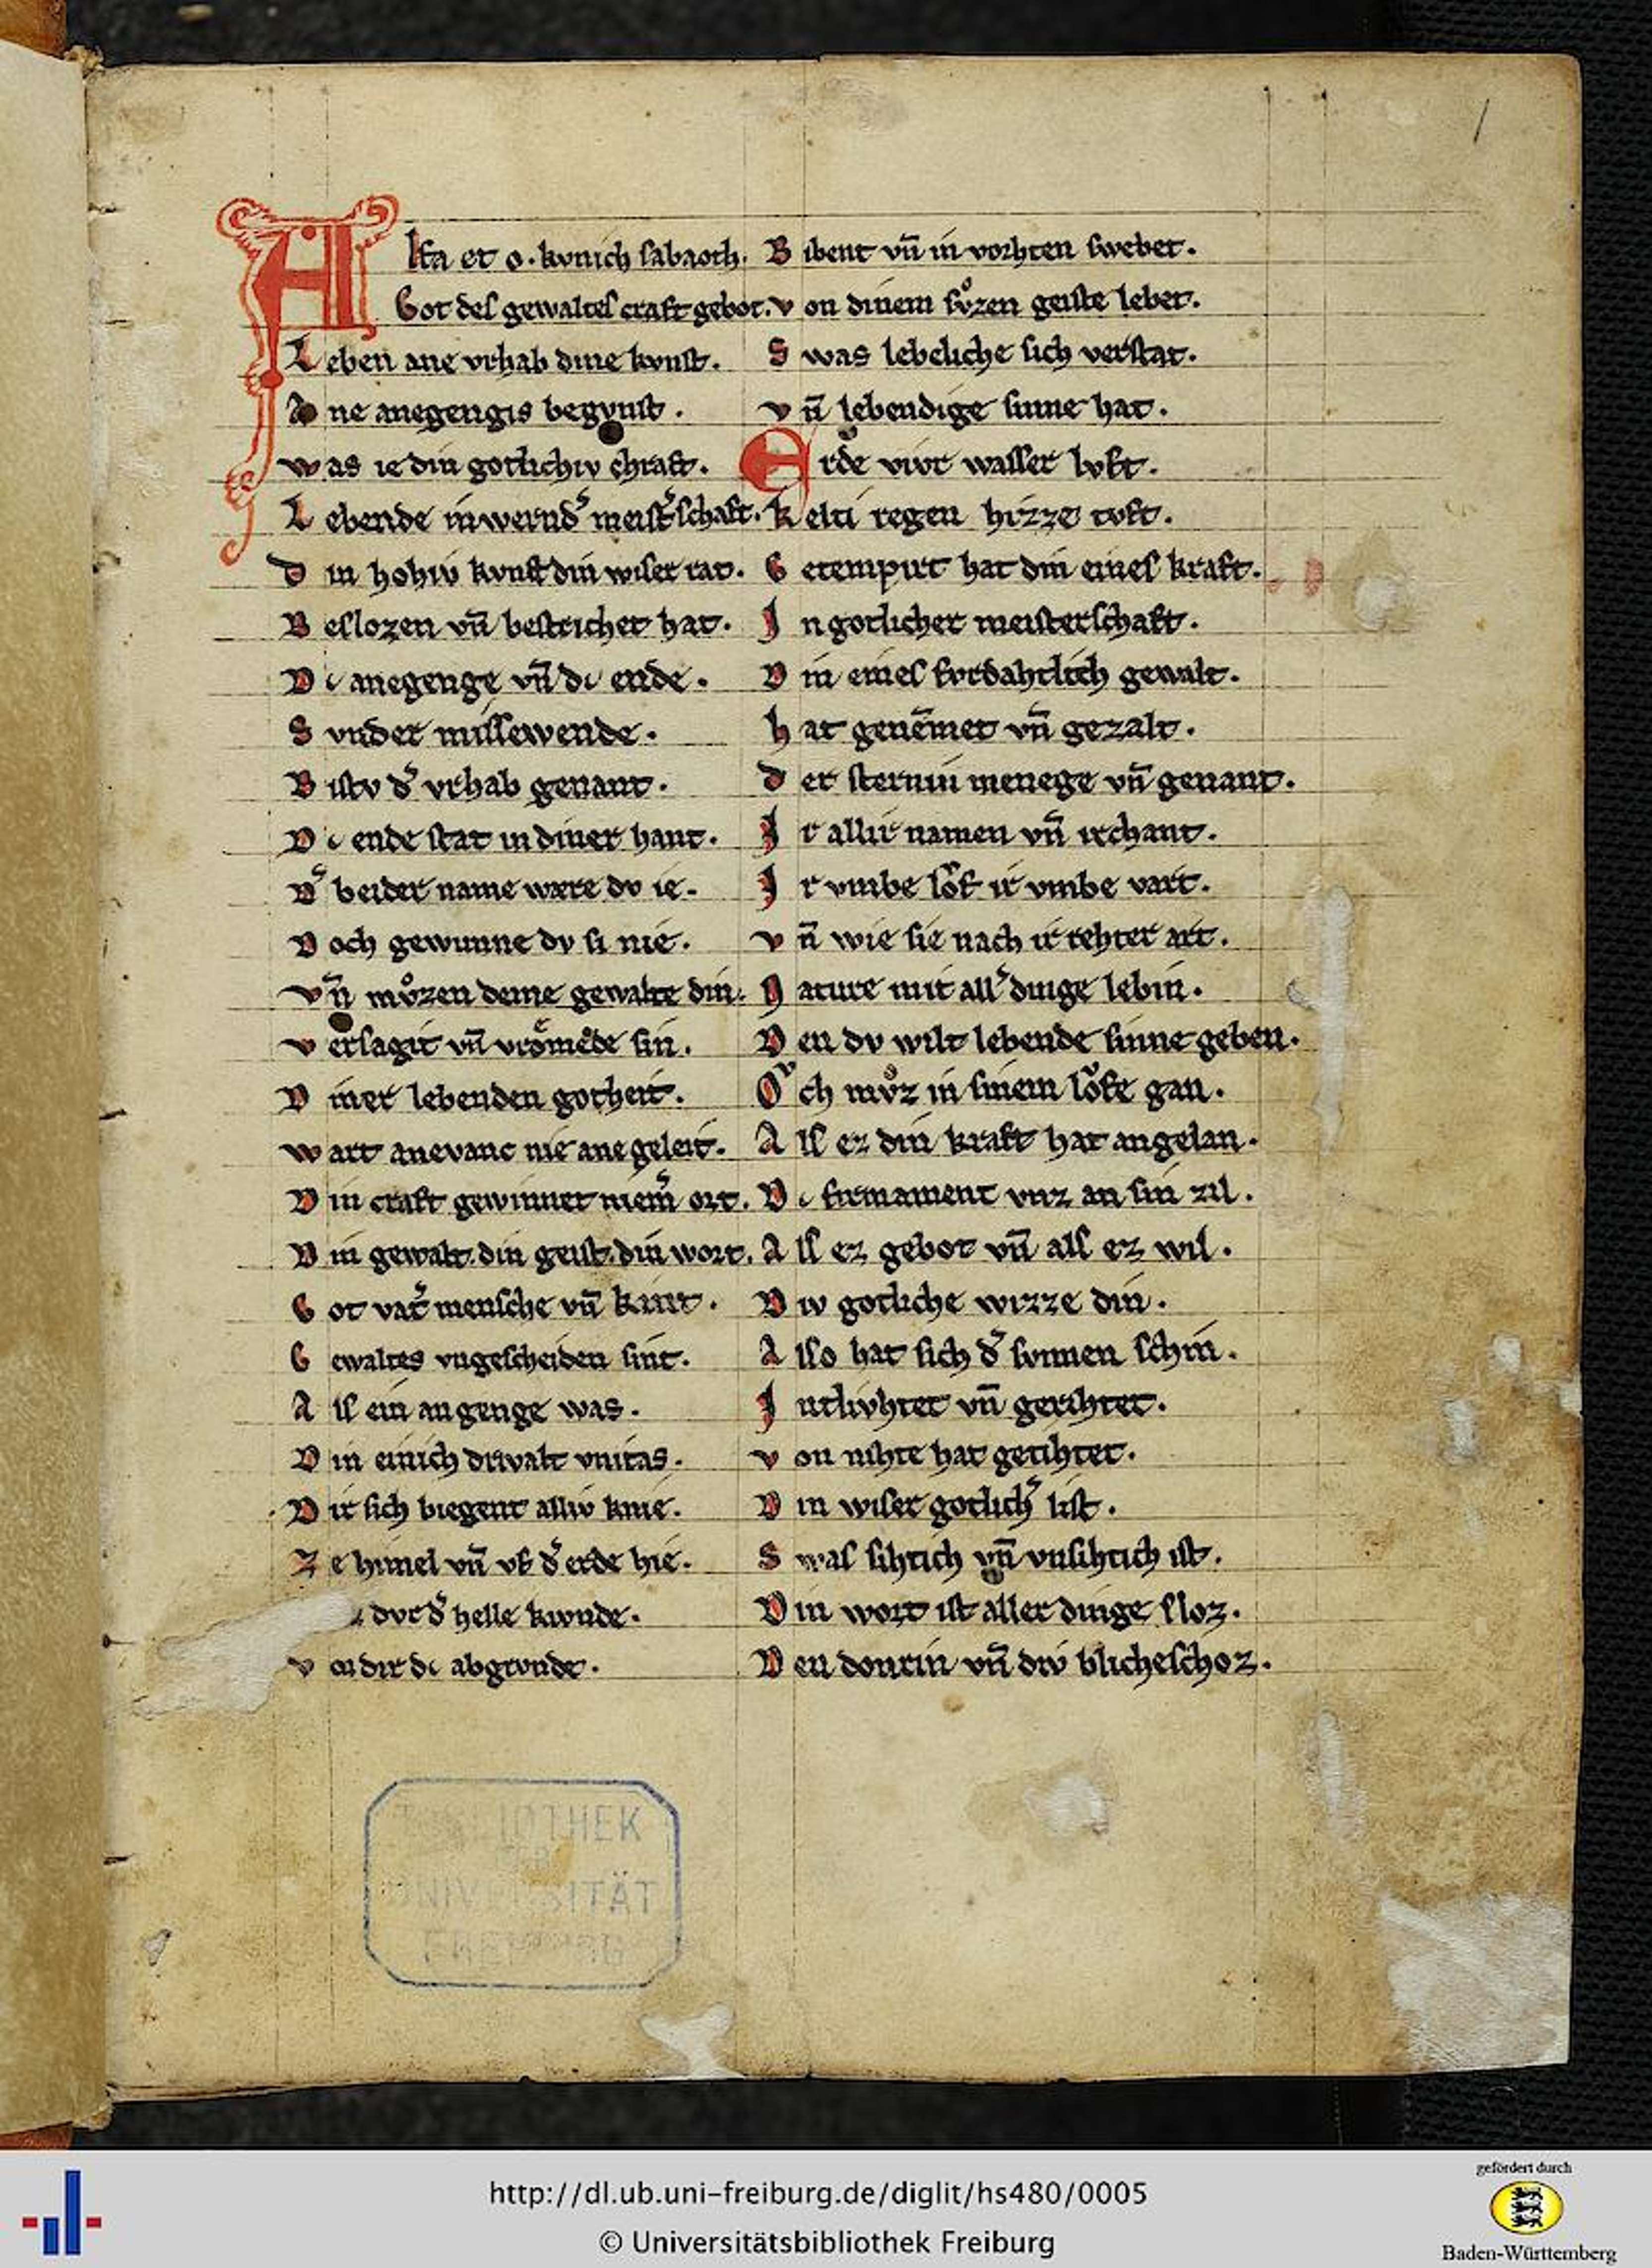**Alfa et o. kvnich ſabaoth.
Got deſ gewalteſ craft gebot.
Leben ane vrhab dine kvnſt.
Ane anegengis begvnſt.
Was ie din gotlichiv chraft.
Lebende inwernd(er) meiſt(er)ſchaft.
Din hohiv kvnſt din wiſer rat.
Beſlozen vn(d) beſtrichet hat.
D(az) anegenge vn(d) d(az) ende.
Svnder miſſewende.
Biſtv d(er) vrhab genant.
D(az) ende ſtat in diner hant.
D(er) beider name w[ae]re dv ie.
Doch gewunne dv ſi nie.
Vn(d) mv°ozen deme gewalte din.
Verſagit vn(d) vro°emede ſin.
Diner lebenden gotheit.
Wart anevanc nie ane geleit.
Din craft gewinnet niem(er) ort.
Din gewalt. din geiſt. din wort.
Got vat(er) menſche vn(d) kint.
Gewaltes vngeſcheiden ſint.
Als ein an genge was.
Din einich drivalt vnitas.
Dir ſich biegent alliv knie.
Ze himel vn(d) vf d(er) erde hie.
xxx dvr d(er) helle kwnde.
Vor dir d(az) abgrunde.
Bibent vn(d) in vorhten ſwebet.
Von dinem ſv°ozen geiſte lebet.
Swas lebeliche ſich verſtat.
Vn(d) lebendige ſinne hat.
*Erde vivr waſſer lvft.
Kelti regen hizze tvft.
Getempirt hat din eineſ kraft.
In gotlicher meiſterſchaft.
Din eineſ fvrdahtlich gewalt.
Hat gene(m)met vn(d) gezalt.
Der ſternin menege vn(d) genant.
Ir allir namen vn(d) irchant.
Ir vmbe lo°vf ir vmbe vart.
Vn(d) wie ſie nach ir rehter art.
Nature mit all(er) dinge lebin.
Den dv wilt lebende ſinne geben.
O°vch mv°oz in ſinem lo°vfe gan.
Alſ ez din kraft hat angelan.
D(az) firmament vnz an ſin zil.
Alſ ez gebot vn(d) alſ ez wil.
Div gotliche wizze din.
Alſo hat ſich d(er) ſvnnen ſchin.
Intlivhtet vn(d) gerihtet.
Von nihte hat getihtet.
Din wiſer gotlich(er) liſt.
Swaſ ſihtich vn(d) vnſihtich iſt.
Din wort iſt aller dinge ſloz.
Den donrin vn(d) div blicheſchoz.